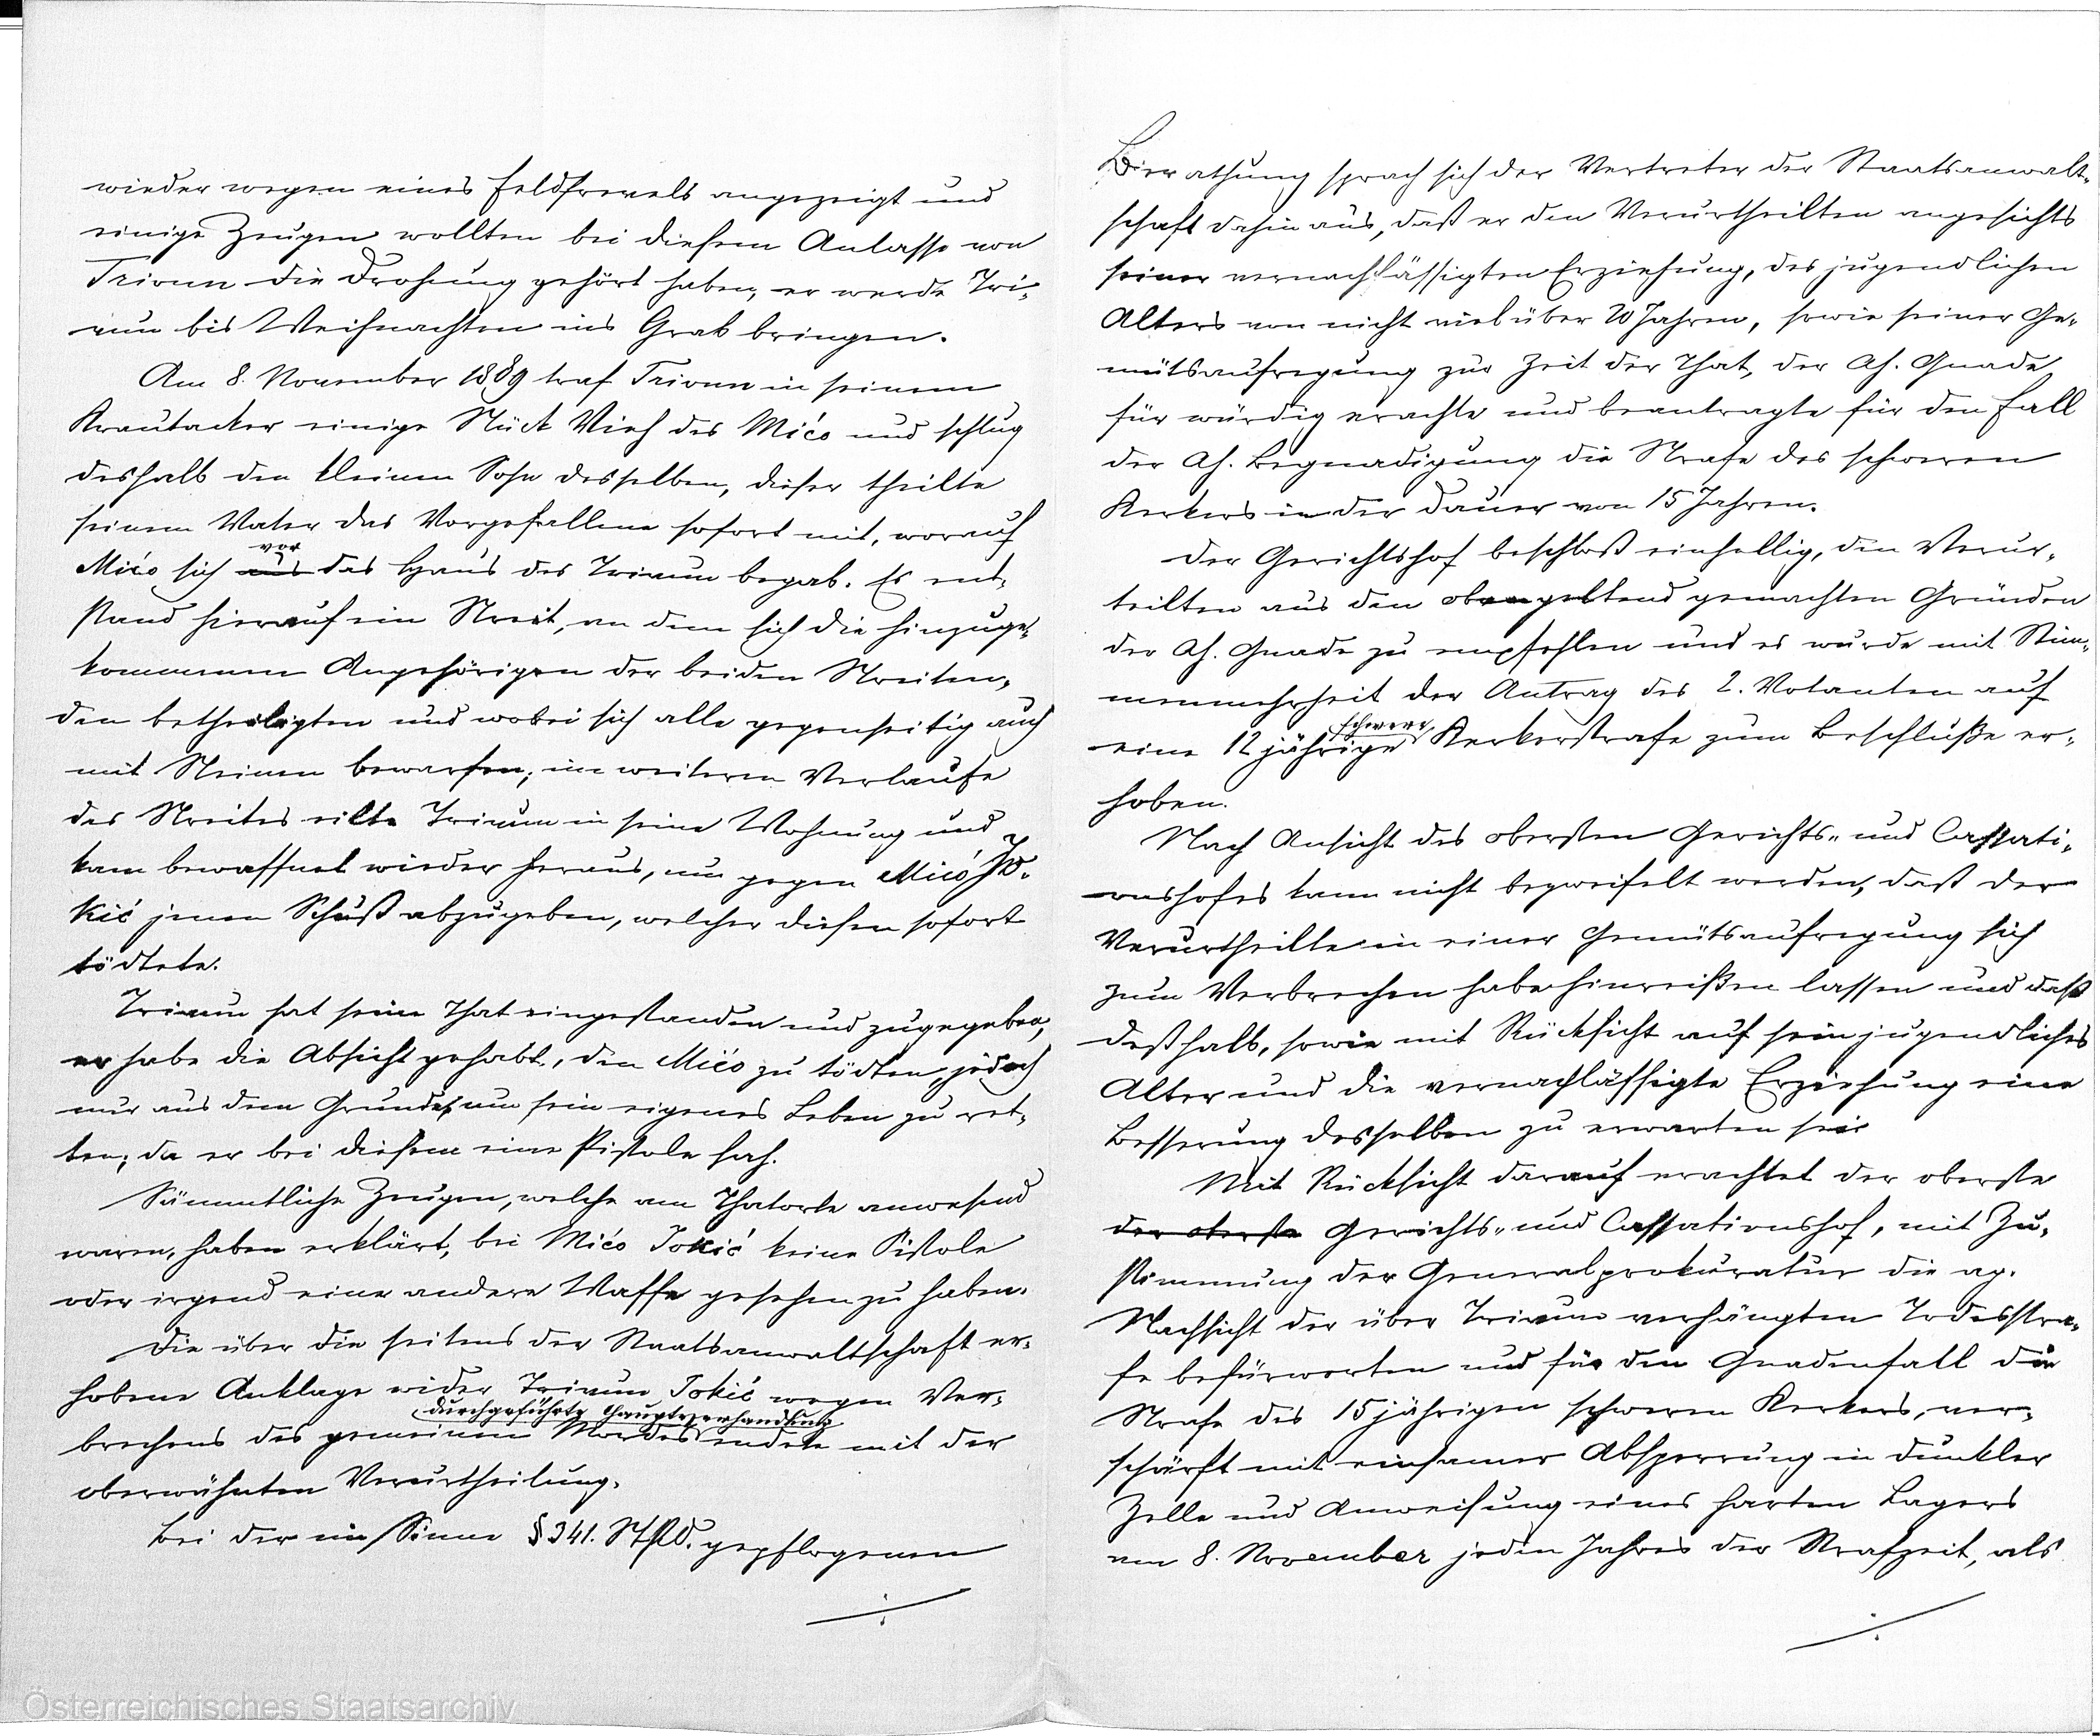wieder wegen eines Feldfrevels angezeigt und
einige Zeugen wollten bei diesem Anlasse von
Trivun die Drohung gehört haben, er werde Tri¬
vun bis Weihnachten ins Grab bringen.
Am 8. November 1889 traf Trivun in seinem
Krautacker einige Stück Vieh des Mićo und schlug
deshalb den kleinen Sohn desselben, dieser theilte
seinem Vater das Vorgefallene sofort mit, worauf
vor
Mićo sich das Haus des Trivun begab. Es ent¬
stand hierauf ein Streit, an dem sich die hinzuge¬
kommenen Angehörigen der beiden Streiten¬
den betheiligten und wobei sich alle gegenseitig auch
mit Steinen bewarfen; im weiteren Verlaufe
des Streites eilte Trivun in seine Wohnung und
kam bewaffnet wieder heraus, um gegen Mićo Jo¬
kić jenen Schuß abzugeben, welcher diesen sofort
tödtete.
Trivun hat seine That eingestanden und zugegeben,
er habe die Absicht gehabt, den Mićo zu tödten, jedoch
nur aus dem Grundes um sein eigenes Leben zu ret¬
ten; da er bei diese eine Pistole sah.
Sämmtliche Zeugen, welche am Thatorte anwesend
waren, haben erklärt, bei Mićo Jokić keine Sistole
oder irgend eine andere Waffe gesehen zu haben.
Die über die seitens der Staatsanwaltschaft er¬
hobene Anklage wider Trivun Jokić wegen Ver¬
durchgeführte Hauptverhandlung
brechens des gemeinen Mordes xxden mit der
oberwährten Verurtheilung.
Bei der ein Sinne § 341. Stxx. gepflogenen
Berathung sprach sich der Vertreter der Staatsanwalt¬
schaft dahin aus, daß er den Verurtheilten angesichts
seiner vernachlässigten Erziehung, des jungendlichen
Alters von nicht viel über 20 Jahren, sowie seiner Ge¬
mütsaufregung zur Zeit der That, der Ah. Gnade
für würdig erachte und beantragte für den Fall
der Ah. Begnadigung die Strafe des schweren
Kerkers in der Dauer von 15 Jahren.
Der Gerichtshof beschloß einhellig, den Verur¬
teilten aus den obergeltend gemachten Gründen
der Ah. Gnade zu empfehlen und es wurde mit Stim¬
menmehrheit der Antrag des 2. Volanten auf
schwere
eine 12jährige Kerkerstrafe zum Beschluße er¬
hoben.
Nach Ansicht des obersten Gerichts- und Cassati¬
onshofes kann nicht bezweifelt werden, daß der
Verurtheilte in einer Gemütsaufregung sich
zum Verbrechen habe hinreißen lassen und daß
deßhalb, sowie mit Rücksicht auf sein jugendliches
Alter und die vernachlässigte Erziehung eine
Besserung desselben zu erwarten sxx
Mit Rücksicht darauf erachtet der oberste
Gerichts- und Cassationshof, mit Zu¬
stimmung der Generalprokuratur die ag.
Nachsicht der über Trivun verhängten Todesstra¬
fe befürworten und für den Gnadenfall die
Strafe des 15jährigen schweren Kerkers, ver¬
schärft mit einsamer Absperrung in Dunkler
Zolle und Anweisung eines harten Lagers
am 8. November jeden Jahres der Strafzeit, als